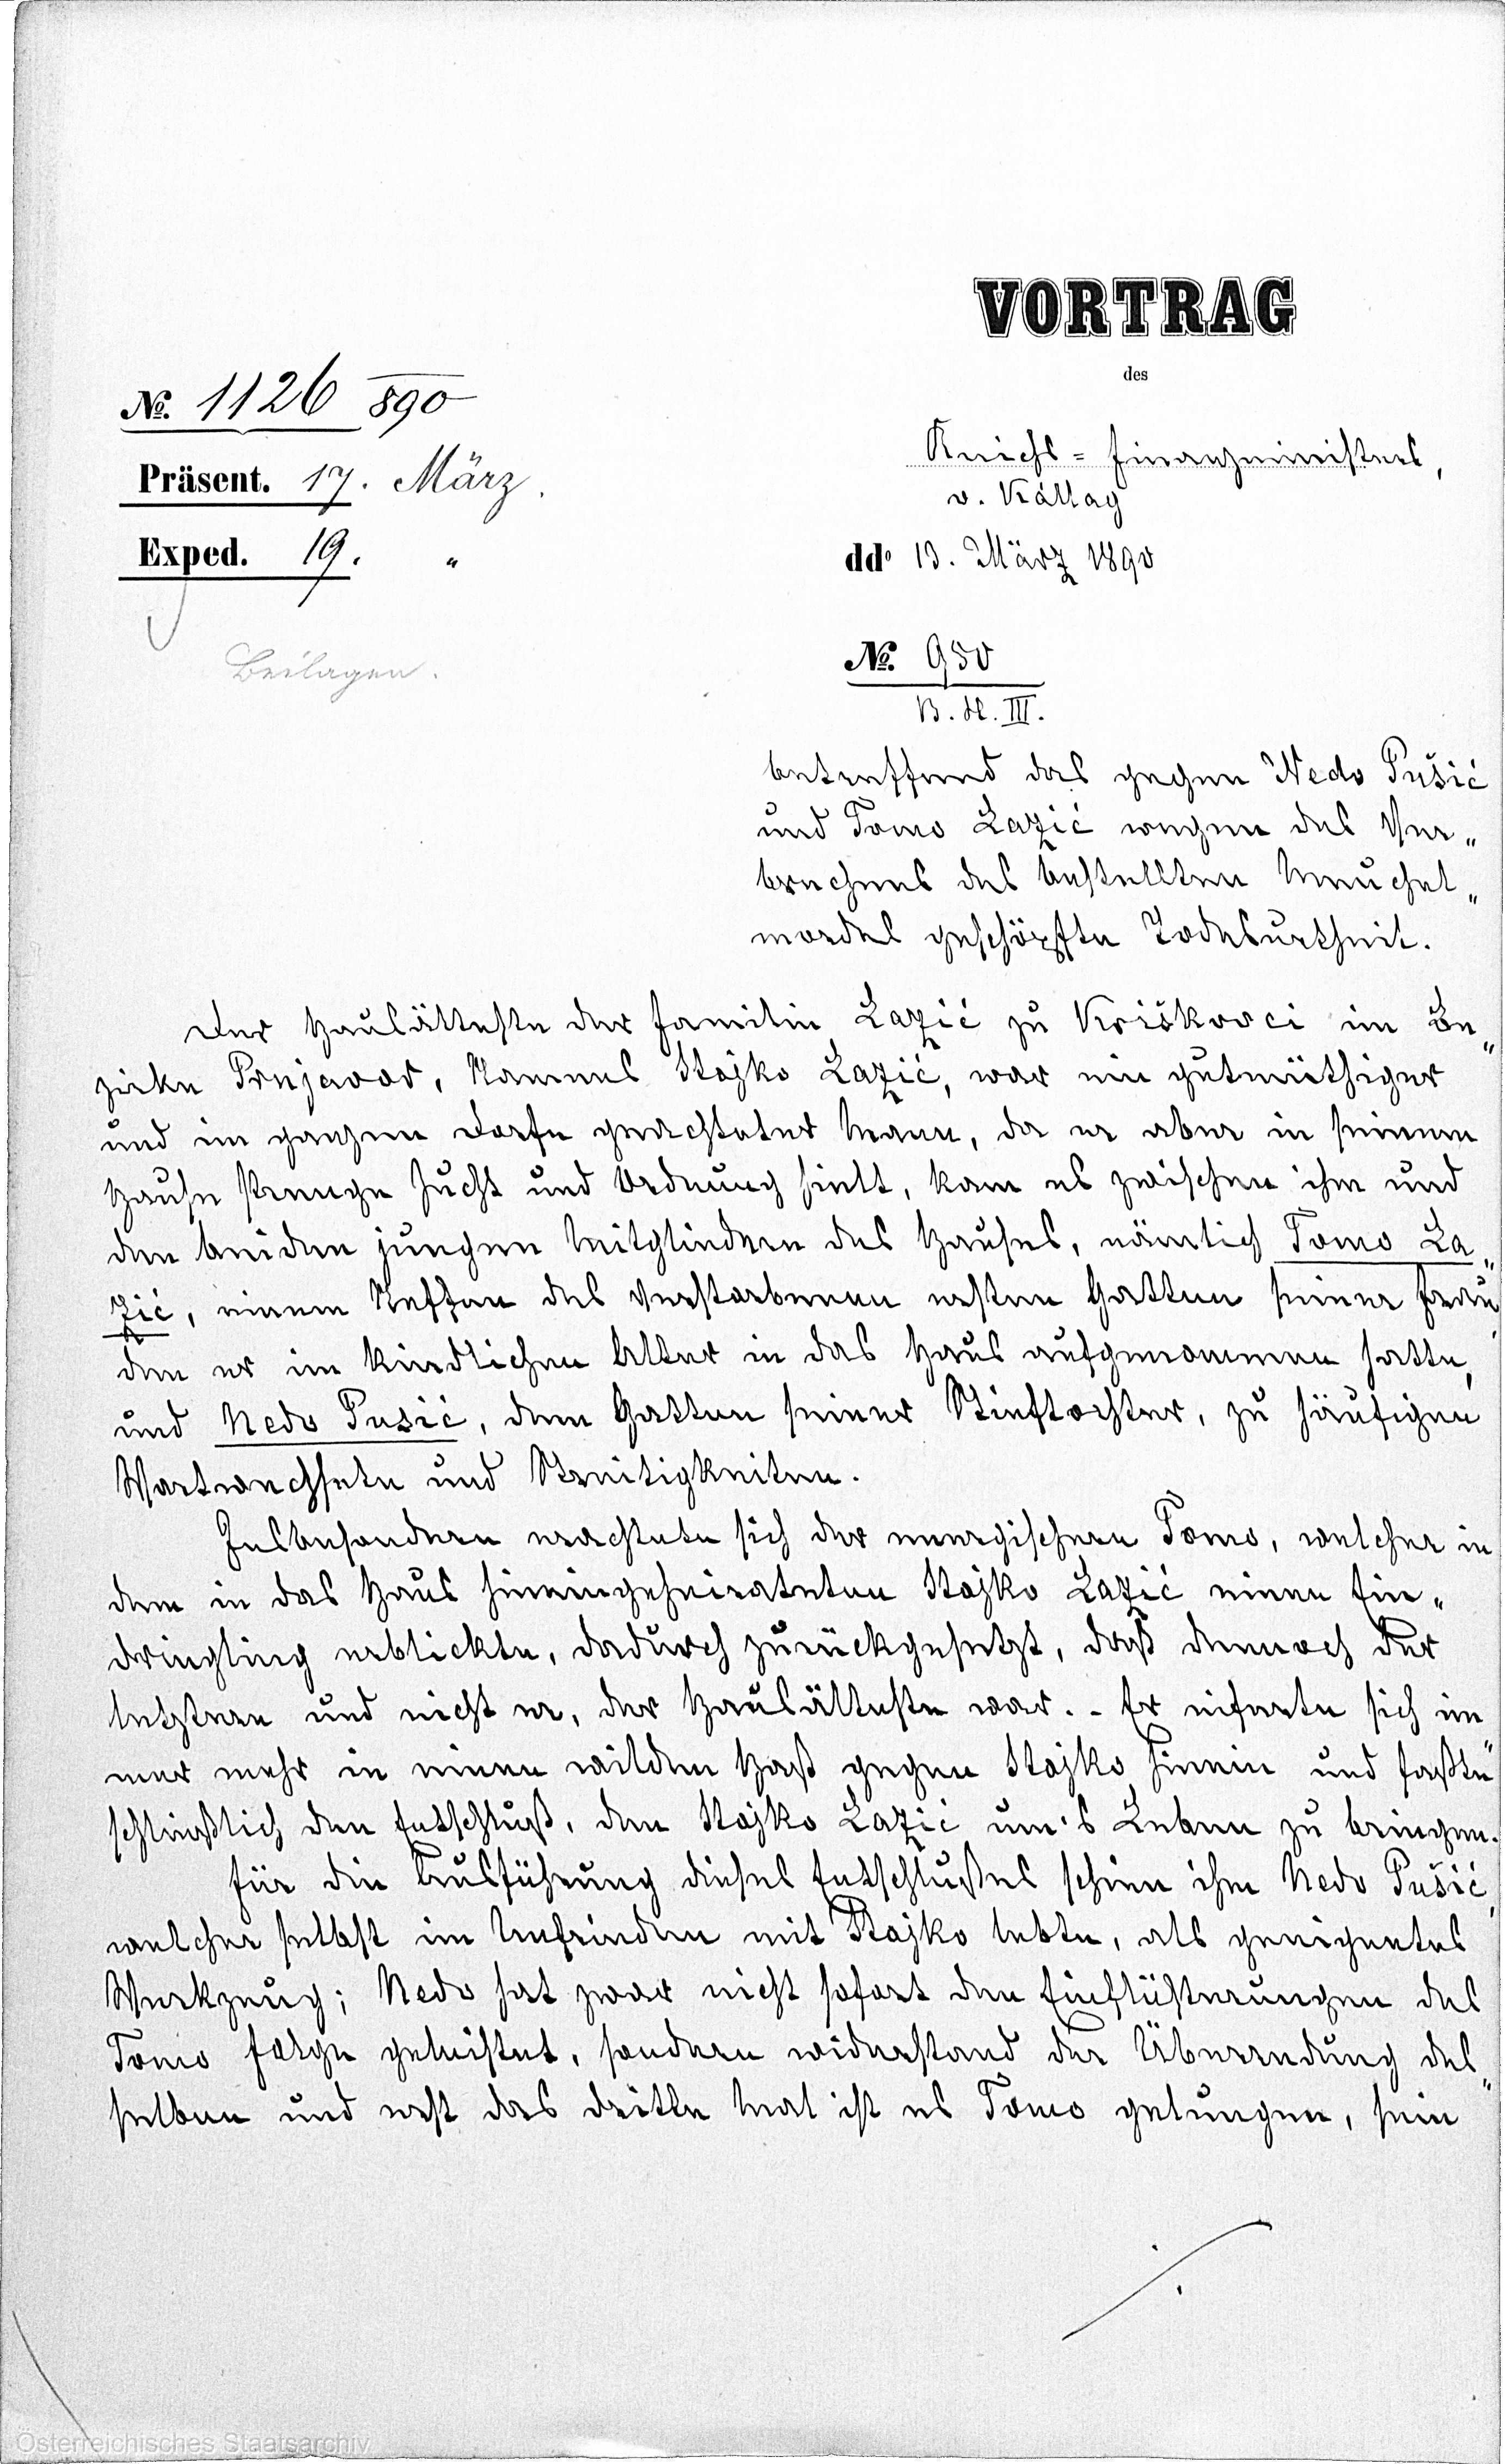N° 1126 890
Präsent. 17. März.
Exped. 19. März.
Beilagen.
VORTRAG
des
Reichs = Finanzministers,
v. Kállag
dd° 13. März 1890
N° 950
B. H. III.
Betreffend das gegen Nedo Pusić
und Tomo Lazić wegen das Ver¬
Verbrechens des bestellten Meuchel¬
mordes geschöpfte Todesurtheit.
Der Hausätteste der Familie Lazić zu Kriskovci im Be¬
zirke Prejavod, Namens Kojko Lazić, war ein gutmüthiger
und im gegen Dorfe gnachtetet Mann, der er aber in seinen
Hause Strenge Zucht und Ordnung hielt, kam es zwischen ihm und
den beiden jungen Mitgliedern des Hauses, nämlich Tomo La¬
zić, einem Neffen des verstorbenen ersten Gatten seiner Frau
den er im Kindlichen Alter in das Haus aufgenommen hatte,
und Nedo Pusić, dem Gatten seines Stieftochter, zu häufigen
Wartwechsete und Streitigkeiten.
Insbesondere nachtete sich der energischere Tomo, welcher in
dem in das Haus Hineingeheirateten Kojko Lazić einen Ein¬
dringling erblickte, dadurch zurückgesetzt, daß danach der
letztere und nicht er, der Hausätteste war. - Er eiferte sich im
mer mehr in einen wilden Baß gegen Kojko hinein und faßtü
schließlich den Entschluß, den Kojko Lazić ums Leben zu bringen.
Für die Ausführung dieses Entschlußes schien ihm Nedo Pusić,
welcher selbst im Unfrieden mit Kojko lebte, als geeignetes
Werkzeug; Nedo hat zweit nicht sofert den Einflüsterungen das
Tomo folge gelichtet, sondern widerstand der Überredung des¬
selben und erst das dritte Mal ihr es Tomo gelungen, sein